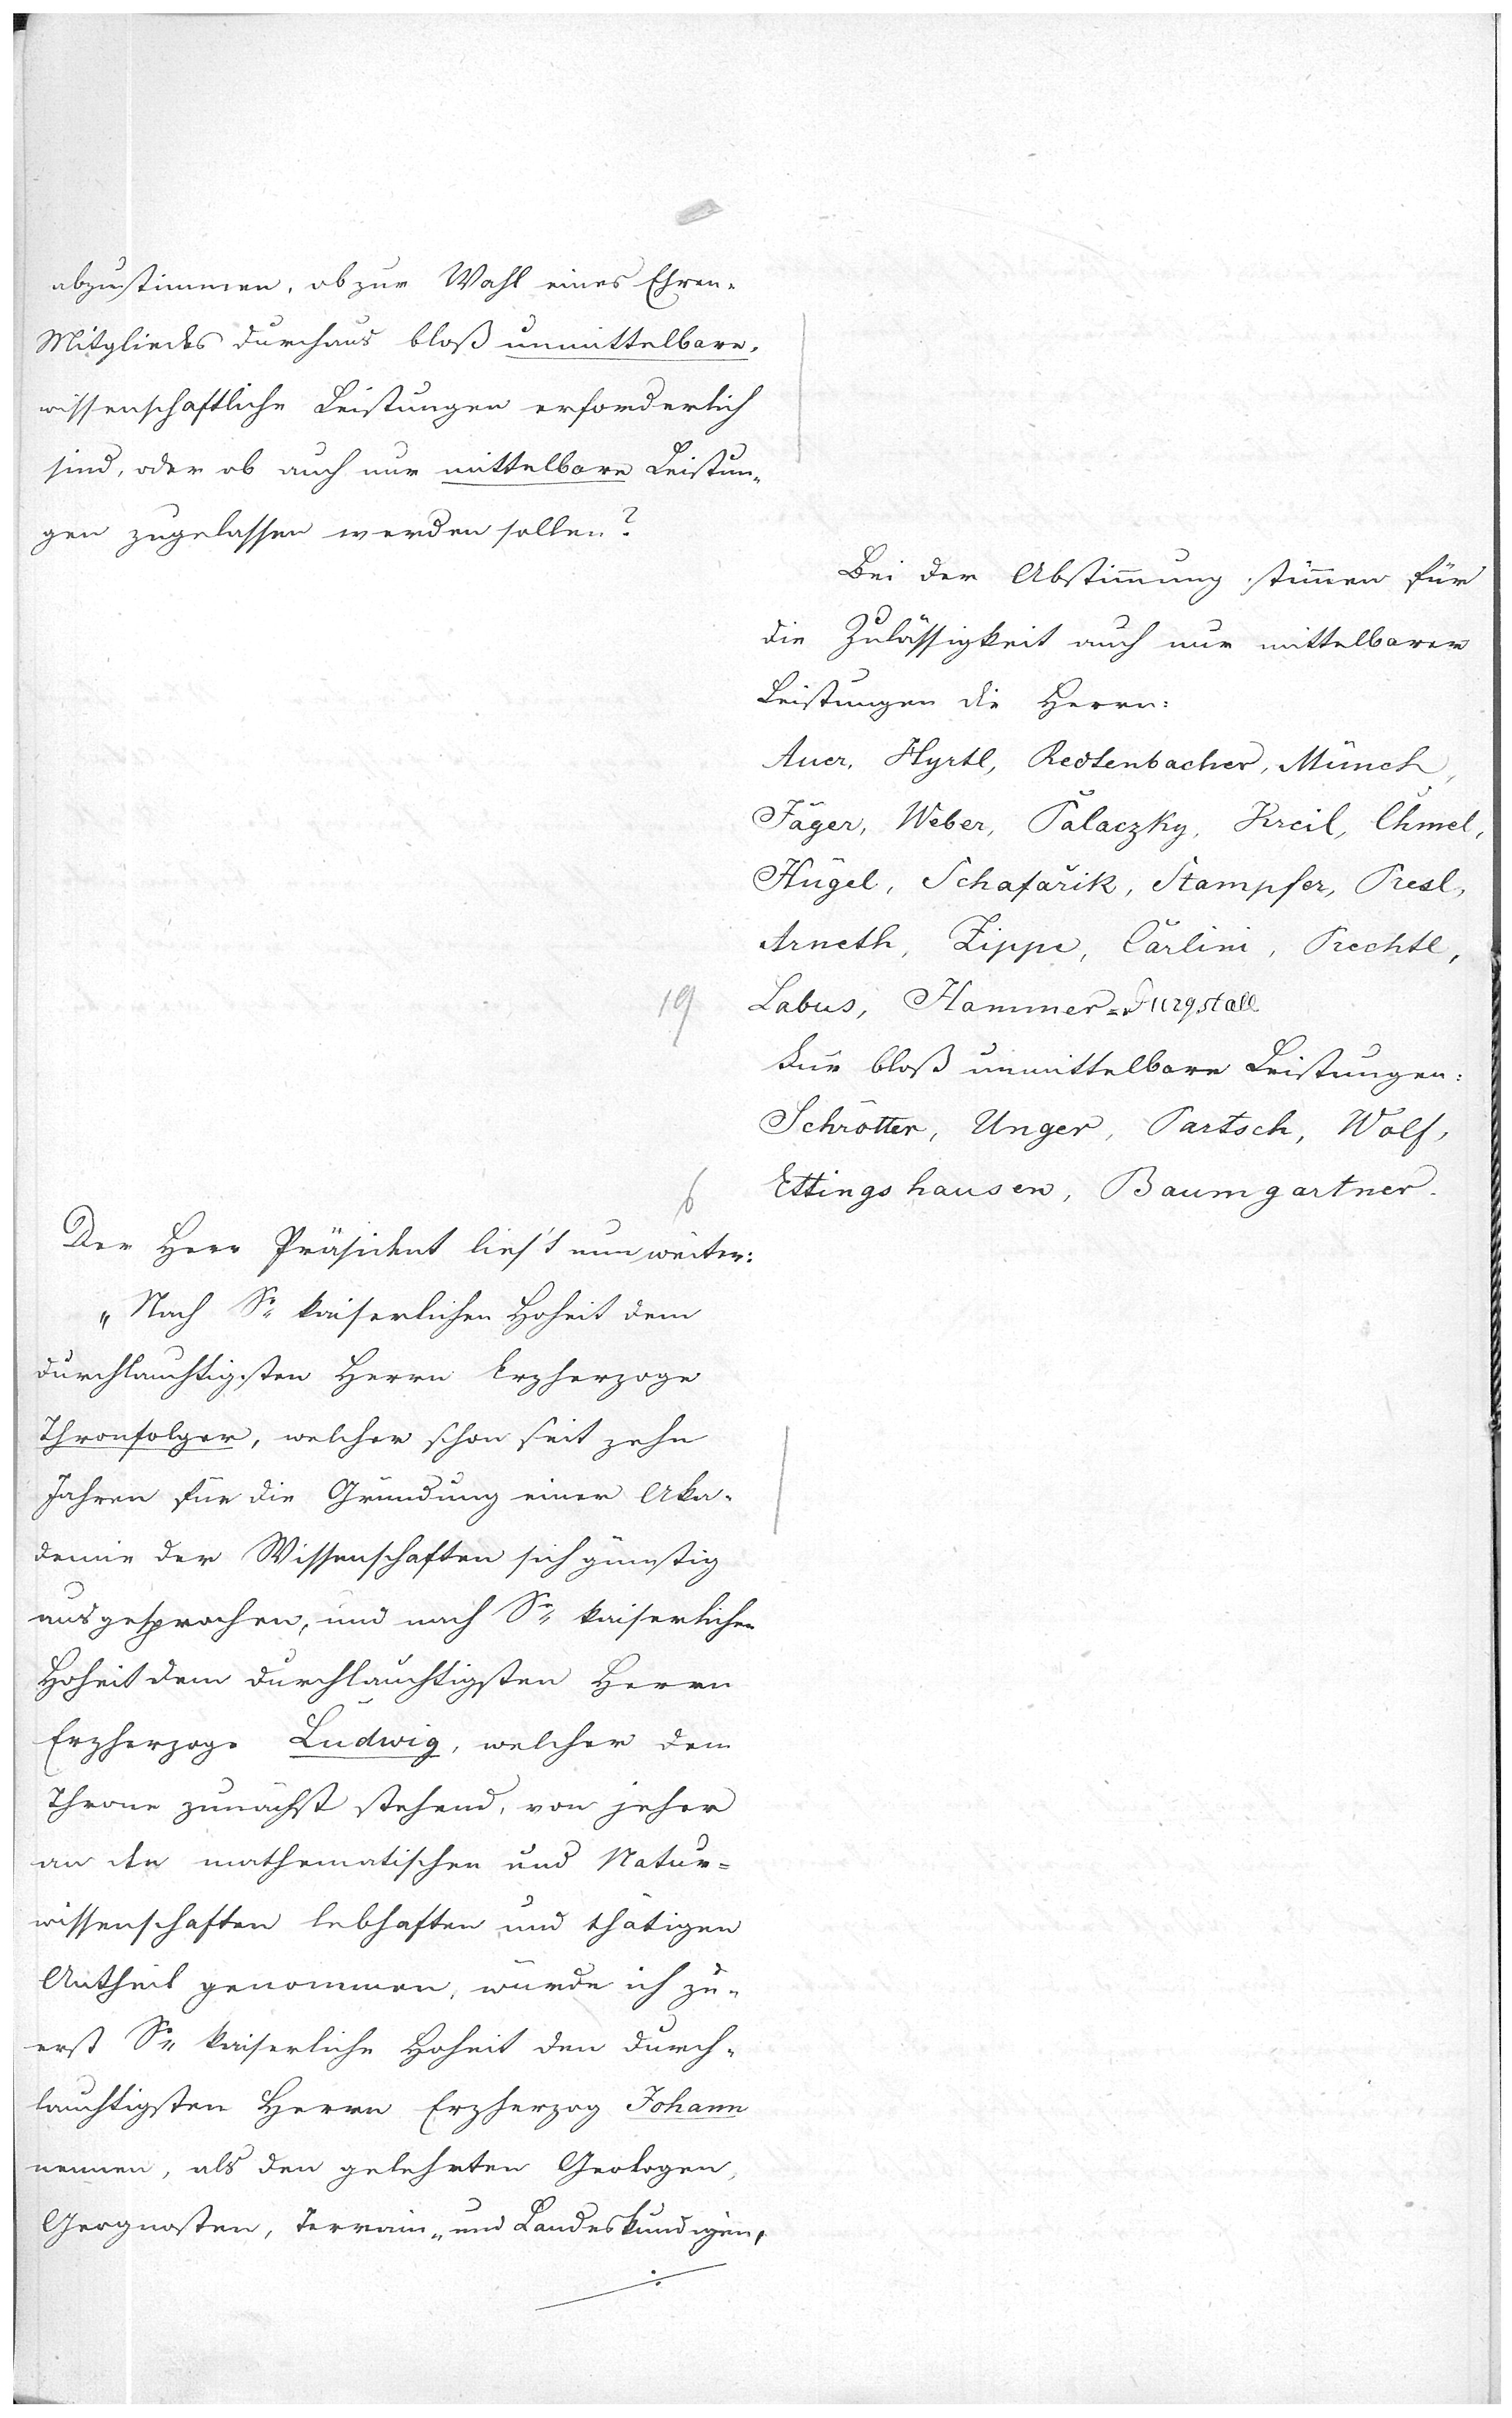abzustimmen, ob zur Wahl eines Ehren-
Mitgliedes durchaus bloß unmittelbare,
wissenschaftliche Leistungen erforderlich
sind, oder ob auch nur mittelbare Leistun-
gen zugelassen werden sollen?
Bei der Abstimmung stimmen für
die Zulässigkeit auch nur mittelbarer
Leistungen die Herrn:
Auer, Hyrtl, Redtenbacher, Münch,
Jäger, Weber, Palaczky, Kreil, Chmel,
Hügel, Schafarzik, Stempfer, Presl,
Arneth, Zippe, Carlini, Prechtl,
Labus, Hammer-Purgstall
Für bloß unmittelbare Leistungen:
Schrötter, Unger, Partsch, Wolf,
Ettingshausen, Baumgartner
Der Herr Präsident liest nun weiter:
"Nach Sr. kaiserlichen Hoheit dem
durchlauchtigsten Herrn Erzherzoge
Thronfolger, welcher schon seit zehn
Jahren für die Gründung einer Aka-
demie der Wissenschaften sich günstig
ausgesprochen, und nach Sr. kaiserlichen
Hoheit dem durchlauchtigsten Herrn
Erzherzog Ludwig, welcher den
Throne zunächst stehend, von jeher
an der mathematischen und Natur-
wissenschaften lebhaften und thätigen
Antheil genommen, würde ich zu-
erste Sr. kaiserliche Hoheit den durch-
lauchtigsten Herrn Erzherzog Johann
nennen, als den gelehrten Geologen,
Geognosten, Terrain- und Landeskundigen,